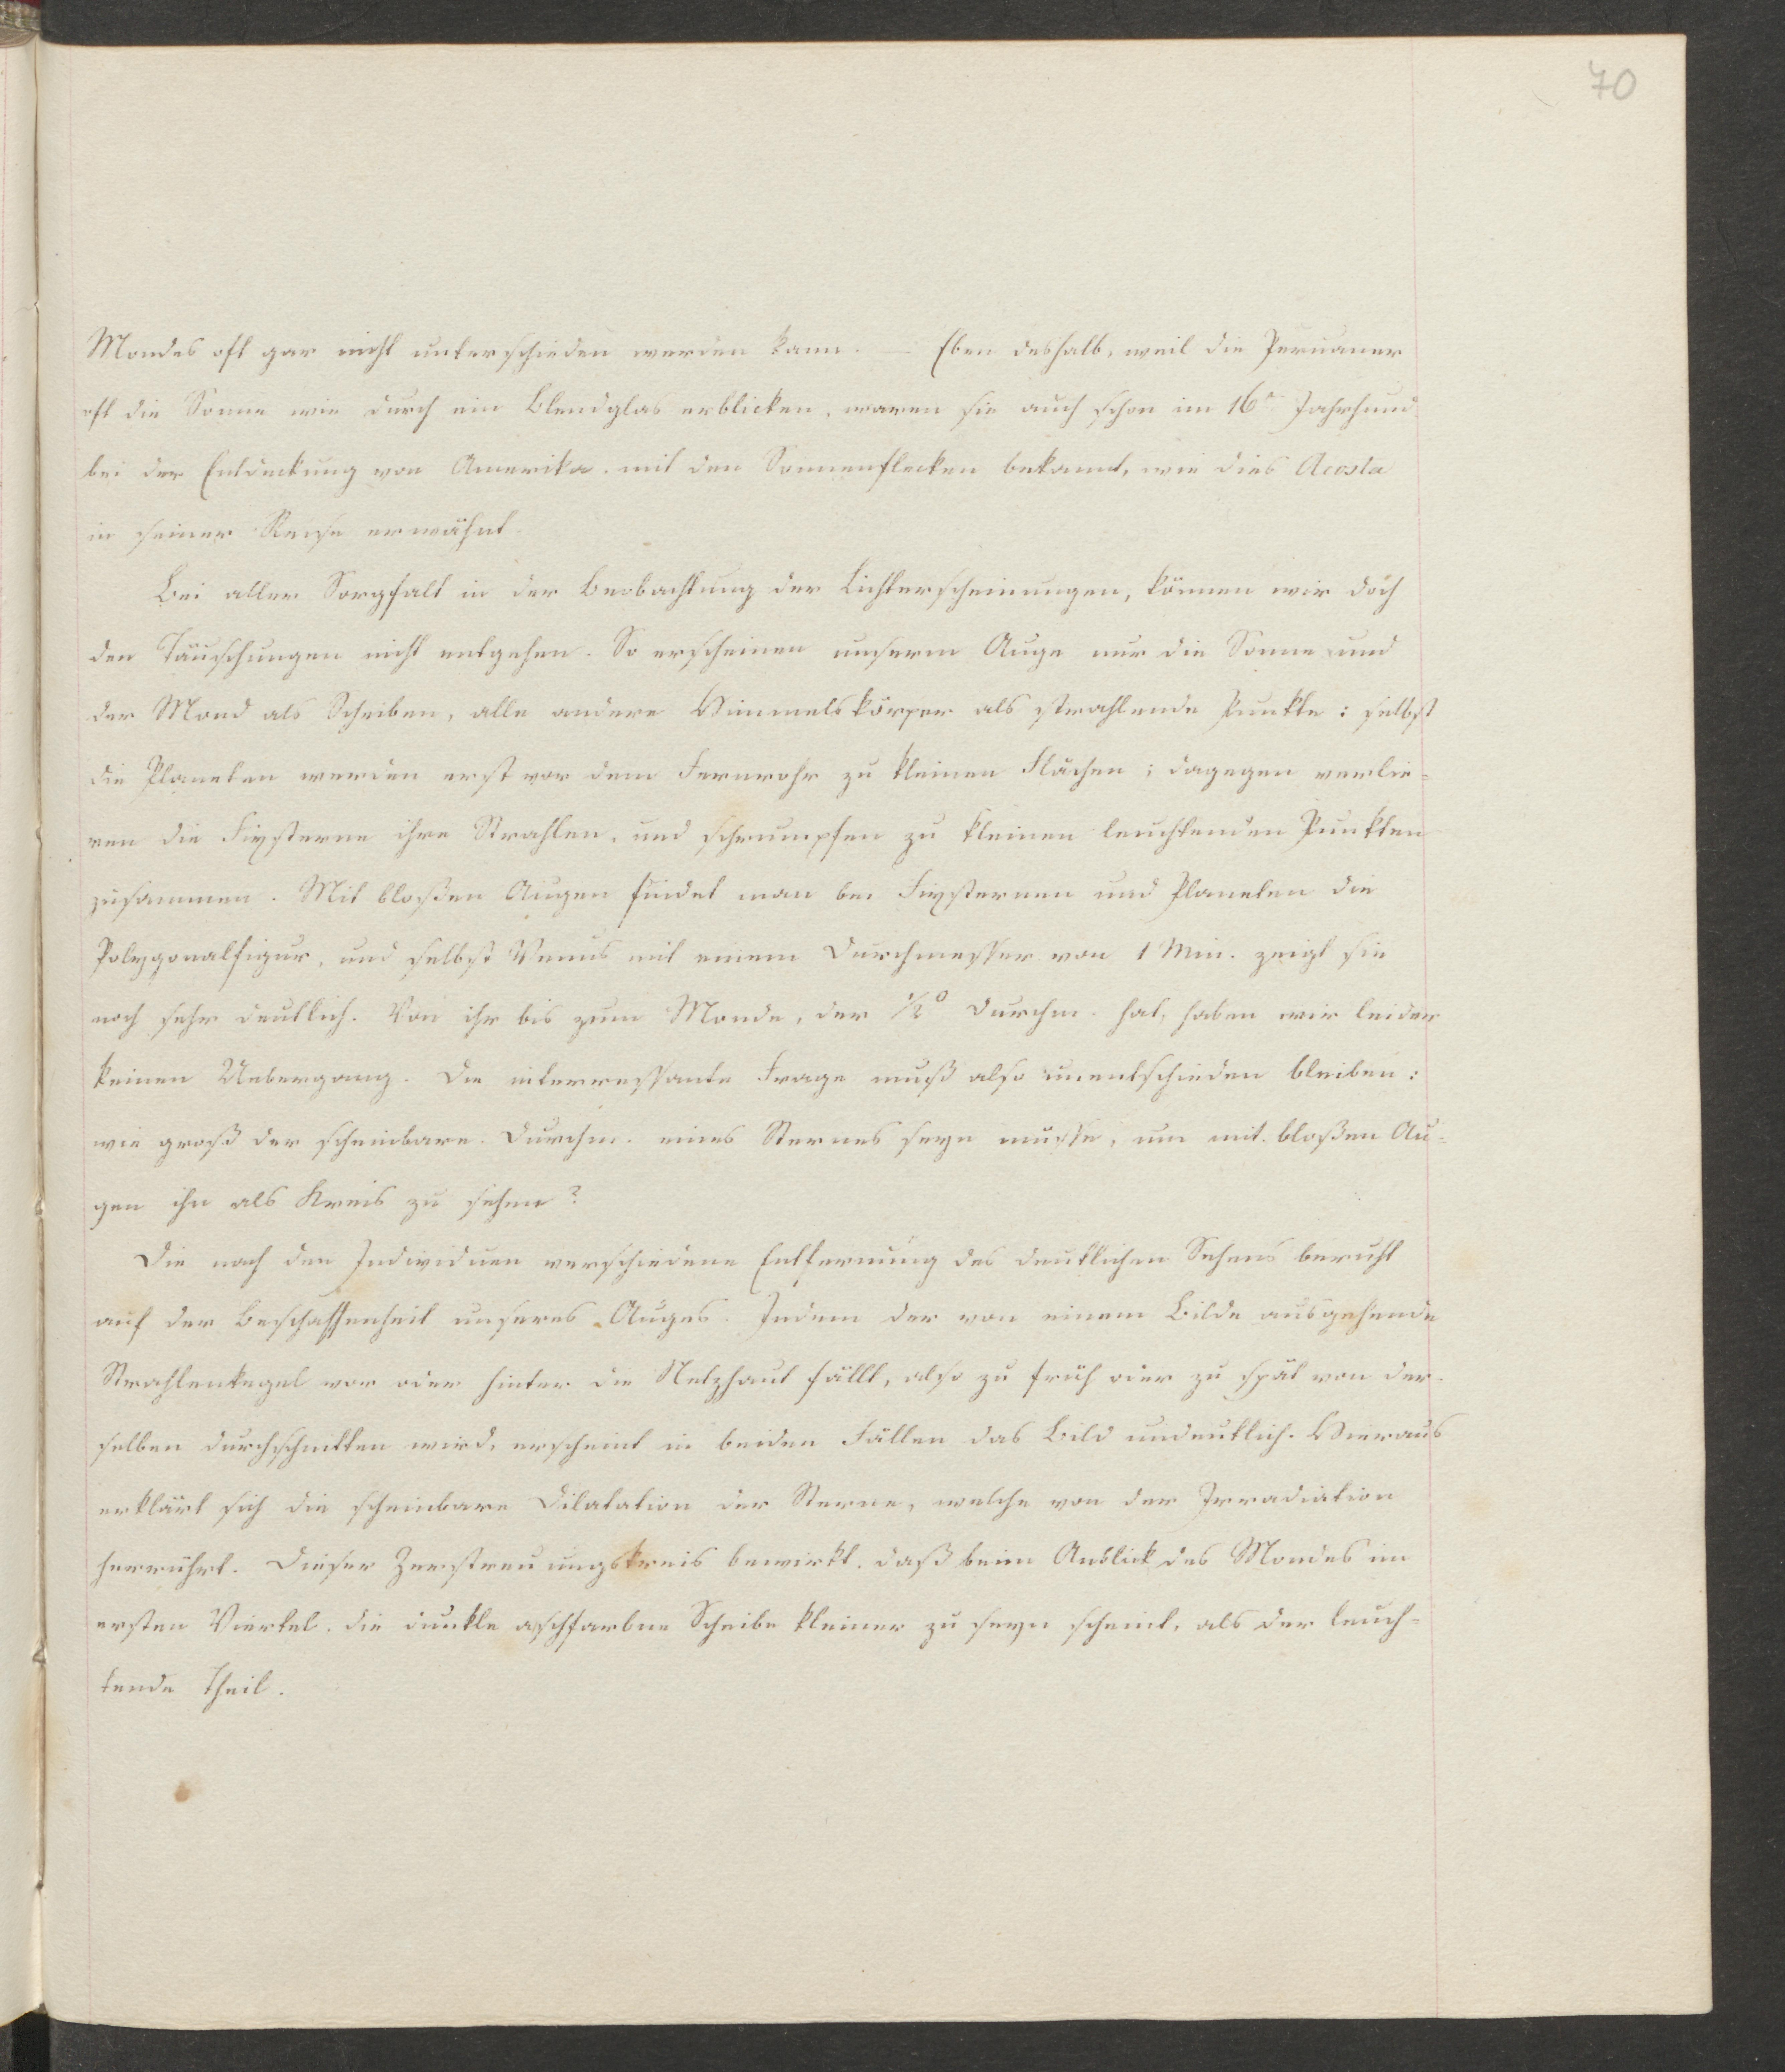Mondes oft gar nicht unterschieden werden kann. – Eben deshalb, weil die Peruaner
oft die Sonne wie durch ein Blendglas erblicken, waren sie auch schon im 16t￼ Jahrhund.
bei der Entdeckung von Amerika, mit den Sonnenflecken bekannt, wie dies Acosta
in seiner Reise erwähnt.
Bei aller Sorgfalt in der Beobachtung der Lichterscheinungen, können wir doch
den Täuschungen nicht entgehen. So erscheinen unserm Auge nur die Sonne und
der Mond als Scheiben, alle andern Himmelskörper als strahlende Punkte: selbst
die Planeten werden erst vor dem Fernrohr zu kleinen Flächen; dagegen verlie-
ren die Fixsterne ihre Strahlen, und schrumpfen zu kleinen leuchtenden Punkten
zusammen. Mit bloßen Augen findet man bei Fixsternen und Planeten die
Polygonalfigur, und selbst Venus mit einem Durchmesser von 1 Min. zeigt sie
noch sehr deutlich. Von ihr bis zum Monde, der ½° Durchm. hat, haben wir leider
keinen Uebergang. Die interressante Frage muß also unentschieden bleiben:
wie groß der scheinbare Durchm. eines Sternes seyn müsse, um mit bloßen Au-
gen ihn als Kreis zu sehen?
Die nach den Individuen verschiedene Entfernung des deutlichen Sehens beruht
auf der Beschaffenheit unseres Auges. Indem der von einem Bilde ausgehende
Strahlenkegel vor oder hinter die Netzhaut fällt, also zu früh oder zu spät von der-
selben durchschnitten wird, erscheint in beiden Fällen das Bild undeutlich. Hieraus
erklärt sich die scheinbare Dilatation der Sterne, welche von der Irradiation
herrührt. Dieser Zerstreuungskreis bewirkt, daß beim Anblick des Mondes im
ersten Viertel, die dunkle aschfarbne Scheibe kleiner zu seyn scheint, als der leuch-
tende Theil.
d. h.